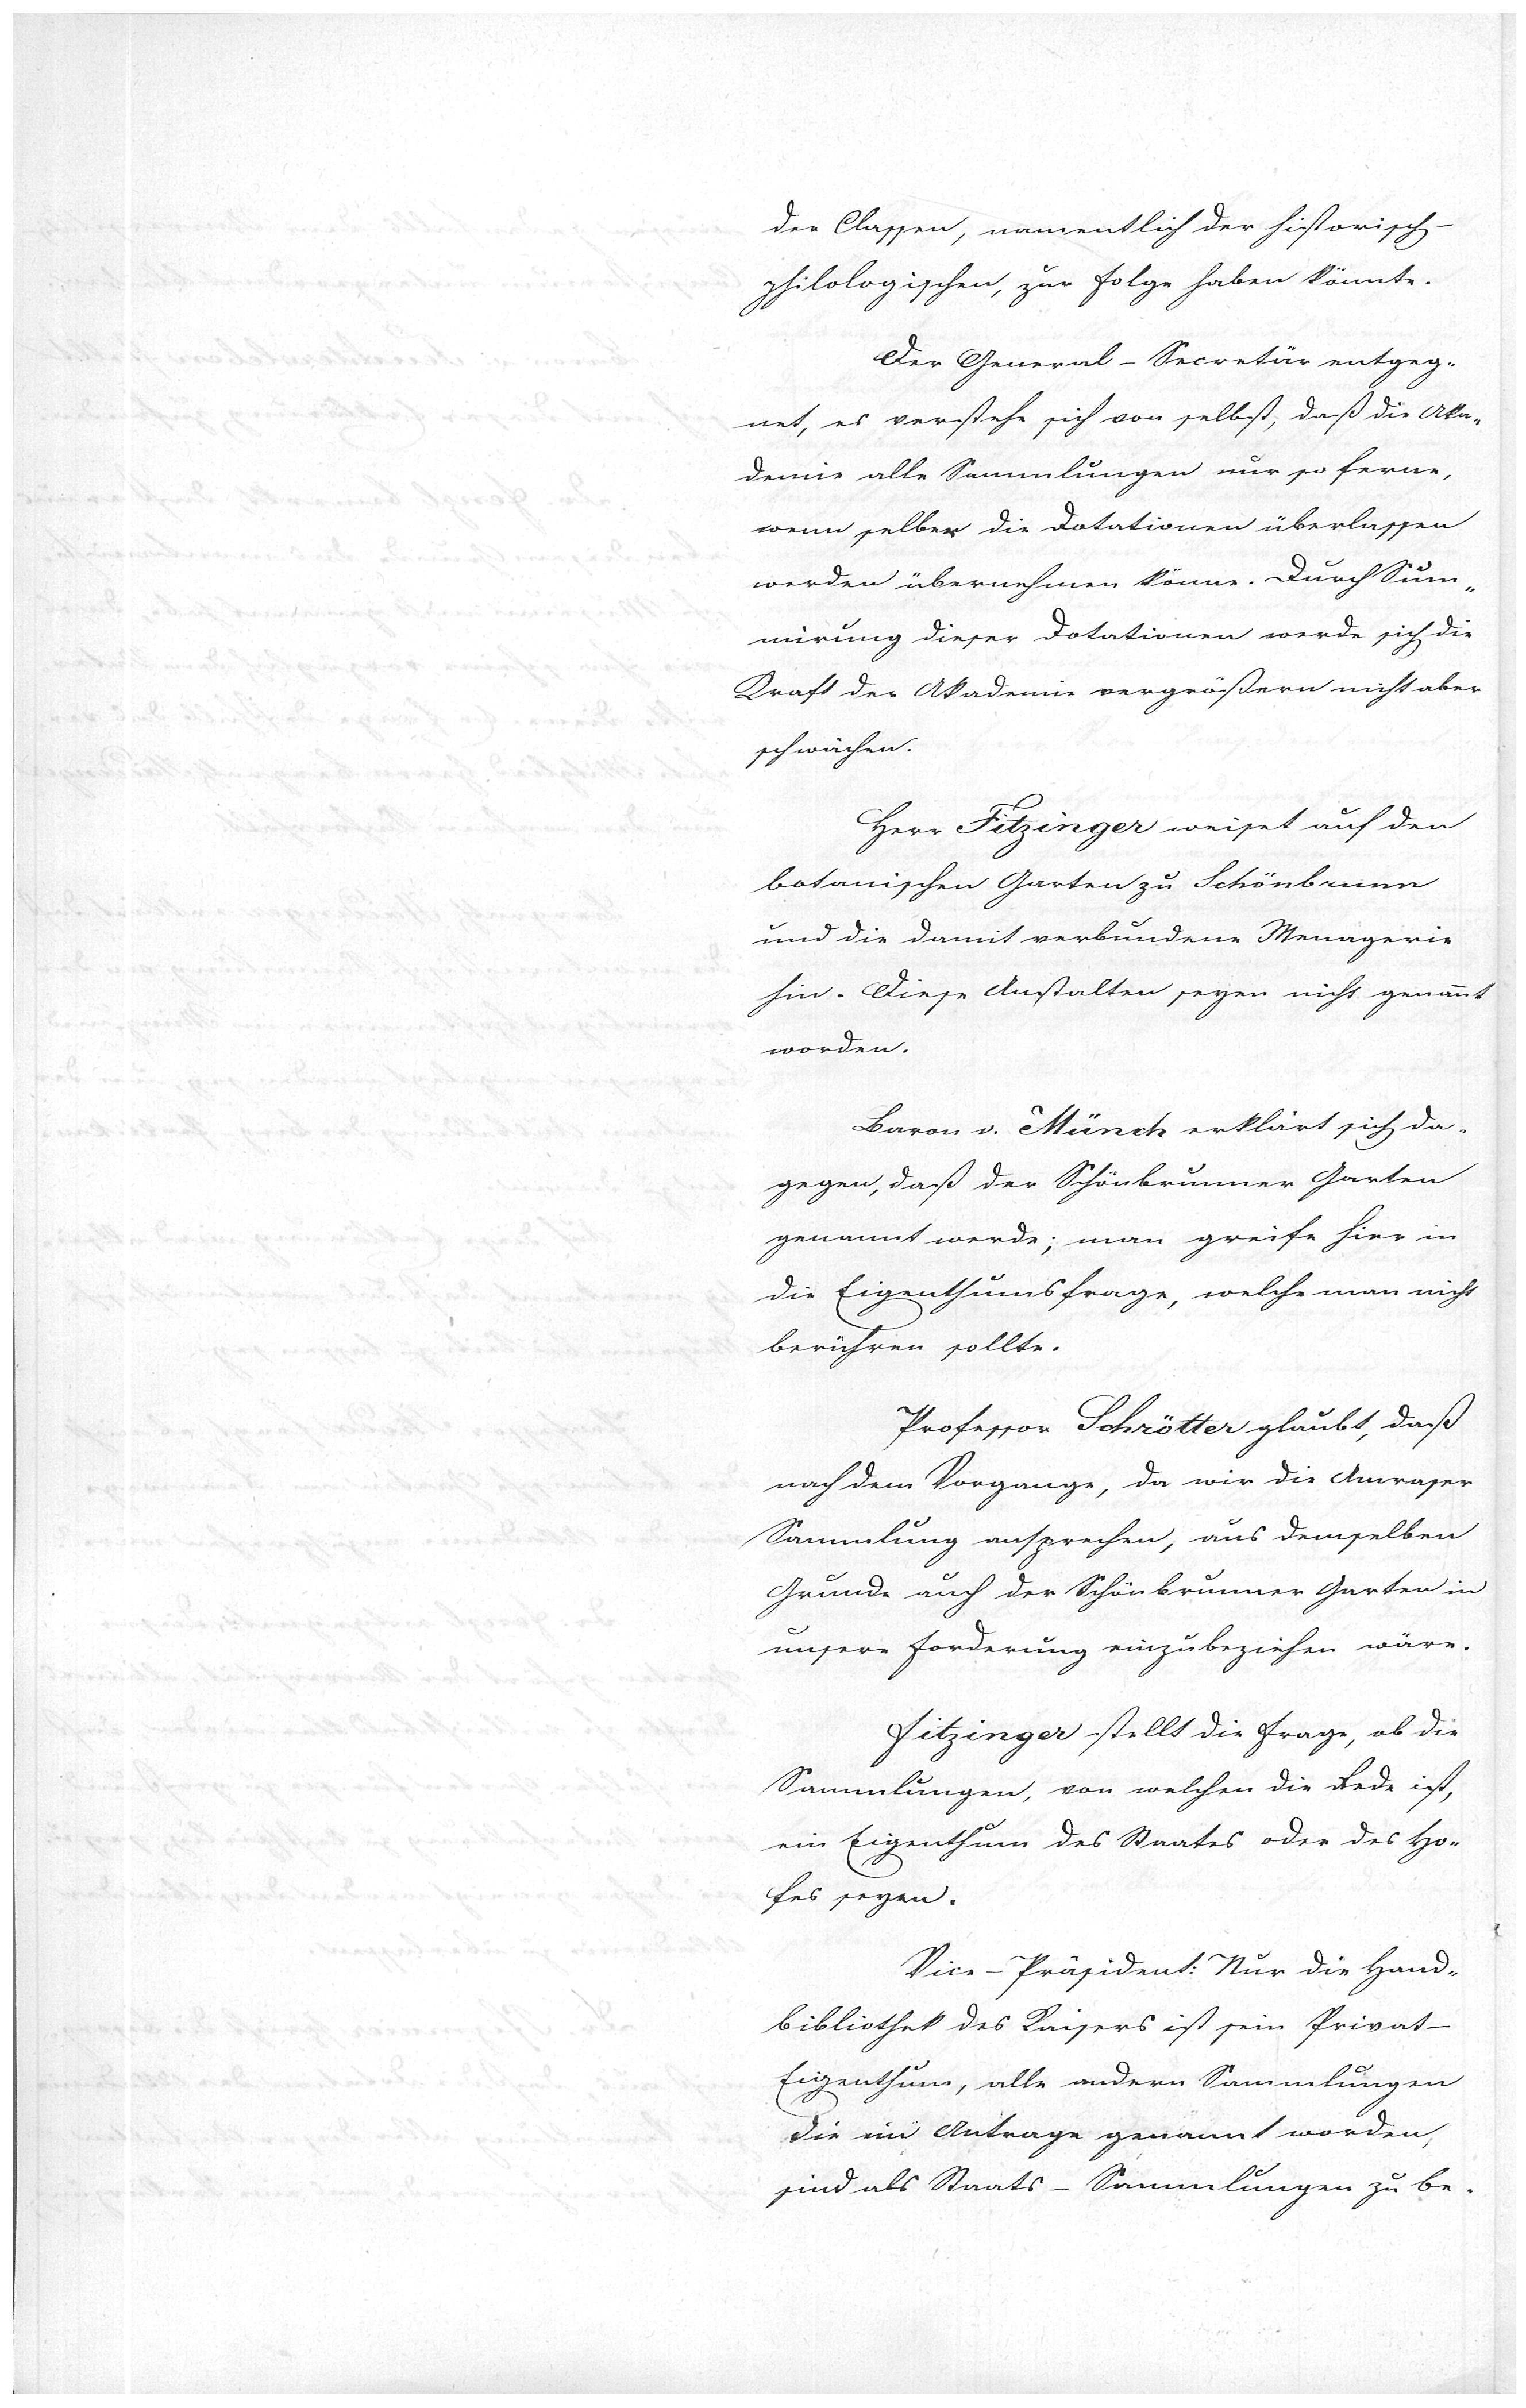der Classen, namentlich der historisch-
philologischen, zu Folge haben könnte.
Der General-Secretär entgeg-
net, es verstehe sich von selbst, daß die Aka-
demie alle Sanmlungen nur so ferne,
wenn selben die Dotationen überlassen
werden übernehmen könne. Durch Sum-
mirung dieser Dolationen werde sich die
Kraft der Akademie vergrößern nicht aber
schwächen.
Herr Fitzinger weiset auf den
botanischen Garten zu Schönbrunn
und die damit verbundene Menagerie
hin. Diese Anstalten seyen nicht genannt
worden.
Baron v. Münch erklärt sich da-
gegen, daß der Schönbrunner Garten
genannt werde, man greife hier in
die Eigenthunsfrage, welche man nicht
berühren sollte.
Professor Schrötter glaubt, daß
nach den Vorgange, da wir die Amraser
Sammlung ansprechen, aus demselben
Grunde auch der Schönbrunner Garten in
unsere Forderung einzubeziehen wäre.
Fitzinger stellt die Frage, ob die
Sammlungen, von welchen die Rede ist,
ein Eigenthum des Staates oder des Ho-
fes seyen.
Vice-Präsident: Nur die Hand-
bibliothek des Kaisers ist sein Privat-
Eigenthum, alle andern Sammlungen
die im Antrage genannt worden,
sind als Staats-Sammlungen zu be-